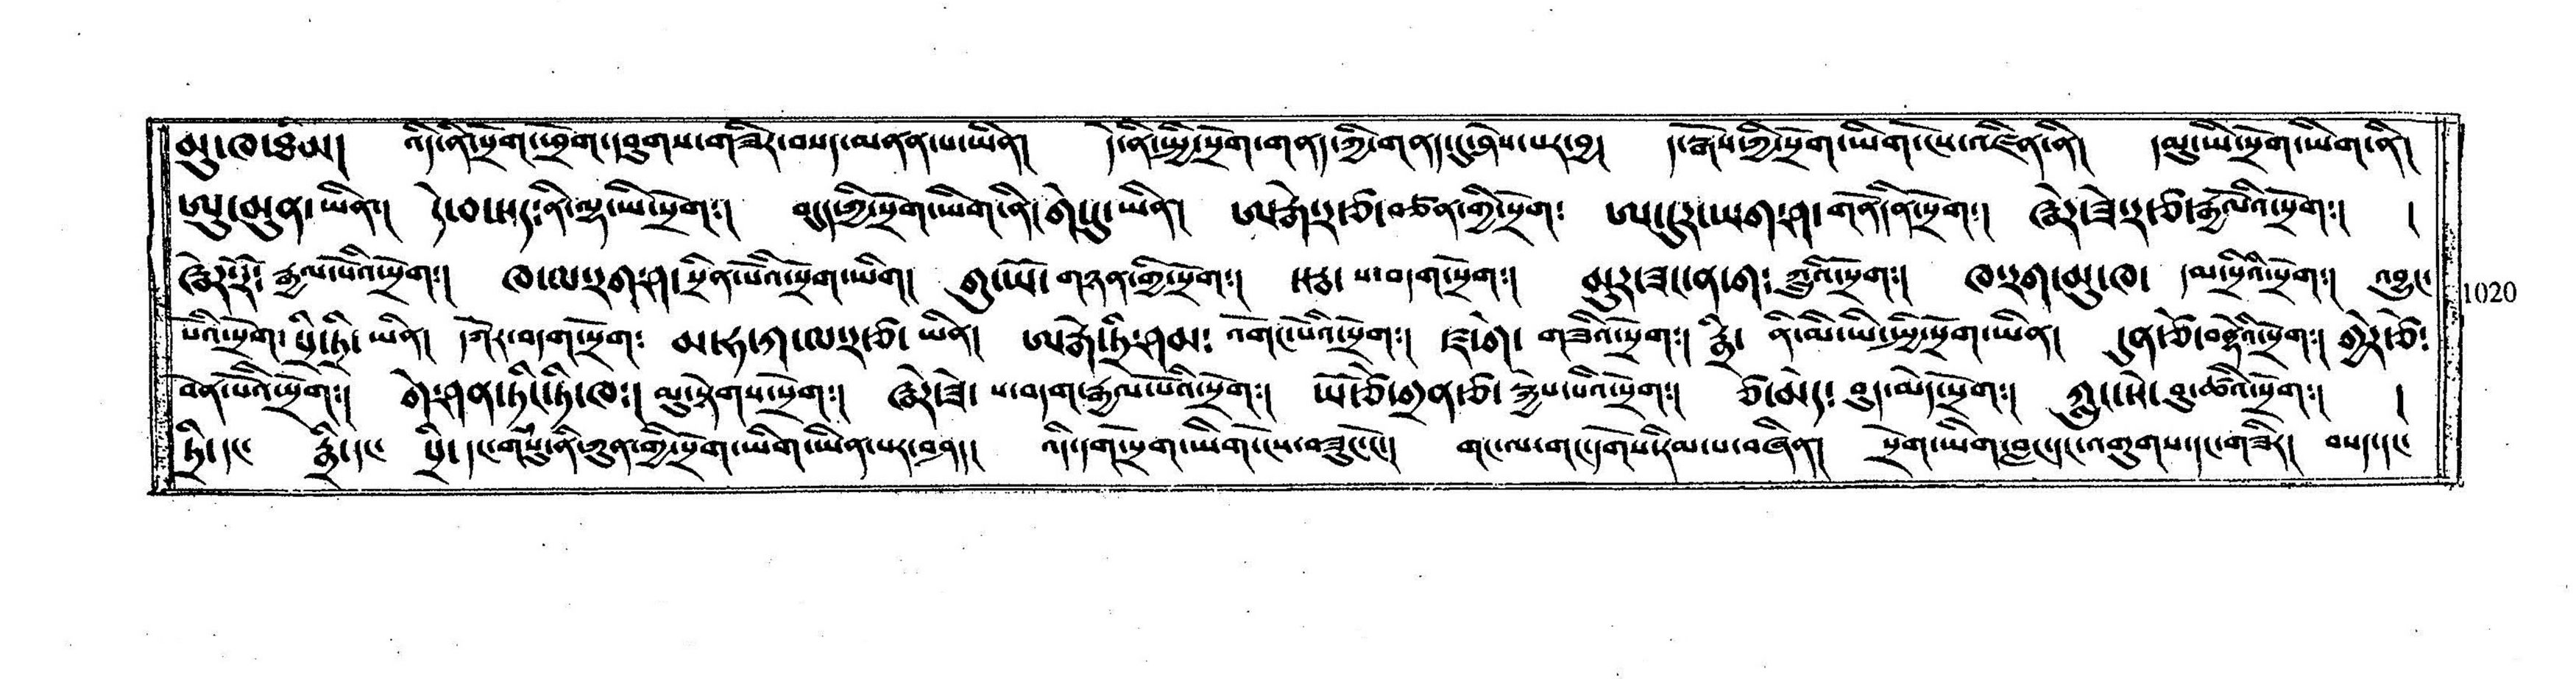མུ་ཁ་ཐིམ། འདི་ནི་སྲོག་ཕྲོག་དབུགས་གཟིར་བསད་མནན་པ་ཡིན། དེ་ནི་སྤྱི་སྲོག་གནད་ཀྱི་གནད་དུ་ཤེས་པར་བྱ། ད་སྒོས་ཀྱི་སྲོག་ཡིག་ངོས་འཛིན་ནི། དམུ་ཡི་སྲོག་ཡིག་ནི། 
ཨུ་མུན་ཡིན། དེ་བ་སད༴ནི་ལྷ་ཡི་སྲོག༴། བདུད་ཀྱི་སྲེག་ཡིག་ནི། གེ་དུ་ཡིན། ཨརྒེ་ར་ཙ་བཙན་གྱི་སྲོག༴ ཨ་དུར་ཡག་ཤ་གནོད་སྦྱིན་སྲོག༴། ཝེར་ཟེ་ར་ཙ་རྒྱལ་པོའི་སྲོག༴། །
ཝེར་རོ༴ རྒྱལ་པོའི་སྲོག༴། ཁ་ལ་རག་ཤ་སྲིན་པོའི་སྲོག་ཡིག གུ་ཡོ་གཉན་གྱི་སྲོག༴། སརྦ་ས་བདག་སྲོག༴། མུར་ཟང་ན་ག༴ ཀླུའི་སྲོག༴། ཁ་རག་མུ་ཁ་དམ་སྲིའི་སྲོག༴། འབྱུང་
པོའི་སྲོག་པྲི་ཏྲི་ཡིན། དཀར་པོ་བདག་སྲོག༴ མ་ཧ་ཀ་ལ་ར་ཙ་ཡིན། ཨརྒེ་ཏྲི་ཤམ༴ འགོང་པོའི་སྲོག༴། ཛ་གེ་གཟའི་སྲོག༴། རྣྲི་ནི་མི་ཡི་སྤྱི་སྲོག་ཡིན། དུན་ཙེ་བནྡྷེའི་སྲོག༴། གྱེར་ཙེ༴ 
བོན་པོའི་སྲོག༴། གེ་ཤན་ཏིང་ཏི་ཁ༴། མུ་སྟེགས་སྲོག༴། ཝེར་ཟེ་ས་བདག་རྒྱལ་པོའི་སྲོག༴། ཡོ་ཙེ་གྲན་ཙ་སྐྱེས་པའི་སྲོག༴། ཙ་མེད༴བུད་མེད་སྲོག༴། ཀླུང་སེ་བུ་ཚའི་སྲོག༴། 
ཏྲི་དང་རྣྲི་དང་པྲི་དང་གསུམ་ནི་ཀུན་གྱི་སྲོག་ཡིག་ཡིན་པར་བཤད། འདི་དག་སྲོག་ཡིག་ངོས་བཟུང་ངོ་། གང་ལ་གང་དགོས་རིམ་པ་བཞིན། སྲོག་ཡིག་བླང་དང་འགུགས་དང་གཟིར། བསད་དང་